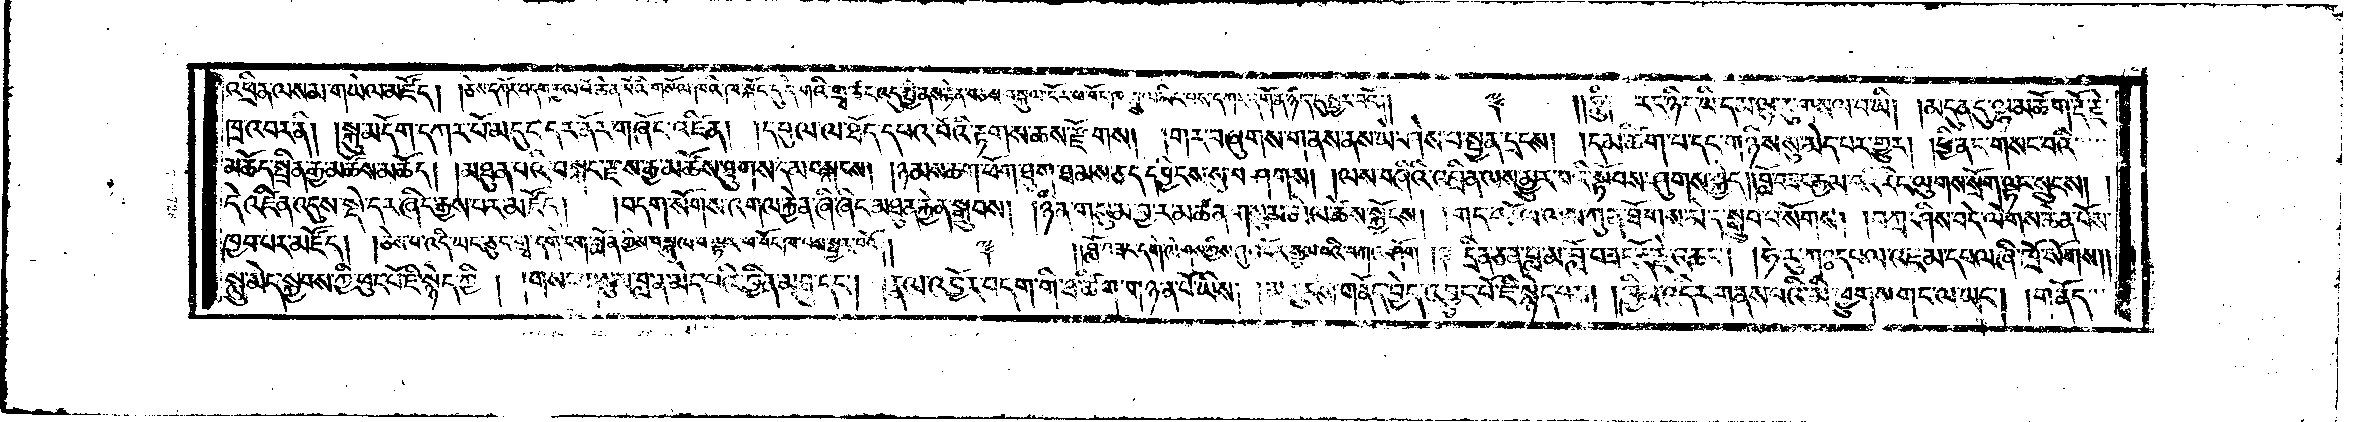འཕྲིན་ལས་མ་གཡེལ་མཛོད། །ཅེས་དཀོར་བདག་རྒྱལ་པོ་ཆེན་པོའི་གསོལ་ཁའི་ཁ་སྐོང་དུ་དེ་གའི་གྲྭ་ཚང་འདུ་སྤྱི་ནས་རྟེན་བཅས་བསྐུལ་ངོར་ཕ་བོང་ཁ་སྤྲུལ་མིང་པས་དཀར་དགོན་ཉིད་དུ་སྦྱར་བའོ།།  ༈ །།ཧཱུཾ༑ རང་ཉིད་ཡི་དམ་ལྷ་རུ་གསལ་བ་ཡི། །མདུན་དུ་ལྷ་མཆོག་རྡོ་རྗེ་
ཁྲ་འབར་ནི། །སྐུ་མདོག་དཀར་པོ་མདུང་དར་ནོར་གཞོང་འཛིན། །དབུ་ལ་ལ་ཐོད་དཔའ་བོའི་རྟགས་ཆས་རྫོགས། །གར་བཞུགས་གནས་ནས་ཡེ་ཤེས་པ་སྤྱན་དྲངས། །དམ་ཚིག་པ་དང་གཉིས་སུ་མེད་པར་གྱུར། །ཕྱི་ནང་གསང་བའི་
མཆོད་སྤྲིན་རྒྱ་མཚོས་མཆོད། །མཐུན་པའི་བསྐང་རྫས་རྒྱ་མཚོས་ཐུགས་དམ་བསྐངས། །ཉམས་ཆག་ཕོག་ཐུག་ཐམས་ཅད་དབྱིངས་སུ་བཤགས། །ལས་བཞིའི་འཕྲིན་ལས་མྱུར་བའི་སྟོབས་ཤུགས་སྐྱེད། །བློ་བཟང་རྒྱལ་བའི་རིང་ལུགས་སྲོག་ལྟར་སྲུངས།།
དེ་འཛིན་འདུས་སྡེ་དར་ཞིང་རྒྱས་པར་མཛོད། །བདག་སོགས་འགལ་རྐྱེན་ཞི་ཞིང་མཐུན་རྐྱེན་སྒྲུབས། །ཉིན་གསུམ་བྱ་ར་མཚན་གསུམ་མེལ་ཚེས་སྐྱོངས། །གང་བཅོལ་ལས་ཀུན་ཐོགས་མེད་སྒྲུབ་པ་སོགས། །བཀྲ་ཤིས་བདེ་ལེགས་ཆེན་པོས་
ཁྱབ་པར་མཛོད། །ཅེས་པ་འདི་ཡང་ཅུང་གྲྭ་དགེ་ངག་སྨོན་གྱིས་བརྐུལ་བ་ལྟར་ཕ་བོང་ཁ་བས་སྦྱར་བའོ།། ༈ །།བློ་བཟང་དགེ་ལེགས་ཀྱིས་ཞུས་ངོར་སྩལ་བའི་བཀའ་ཤོག་། ༈ དྲིན་ཅན་བླ་མ་བློ་བཟང་རྡོ་རྗེ་འཆང་། །ཧེ་རུ་ཀཿདཔལ་འཇམ་དཔལ་ཞི་ཁྲོ་སོགས།།
སླུ་མེད་སྐྱབས་ཀྱི་ཕུང་པོ་ཇི་སྙེད་ཀྱི། །གསང་གསུམ་བླ་ན་མེད་པའི་བྱིན་མཐུ་དང་། །རྣལ་འབྱོར་བདག་གི་ཐ་ཚིག་གཉན་པོ་ཡིས། །མ་རུངས་གནོད་བྱེད་འབྱུང་པོ་ཇི་སྙེད་པས། །ཁྱིམ་འདིར་གནས་པའི་མི་ཕྱུགས་གང་ལ་ཡང་། །གནོད་